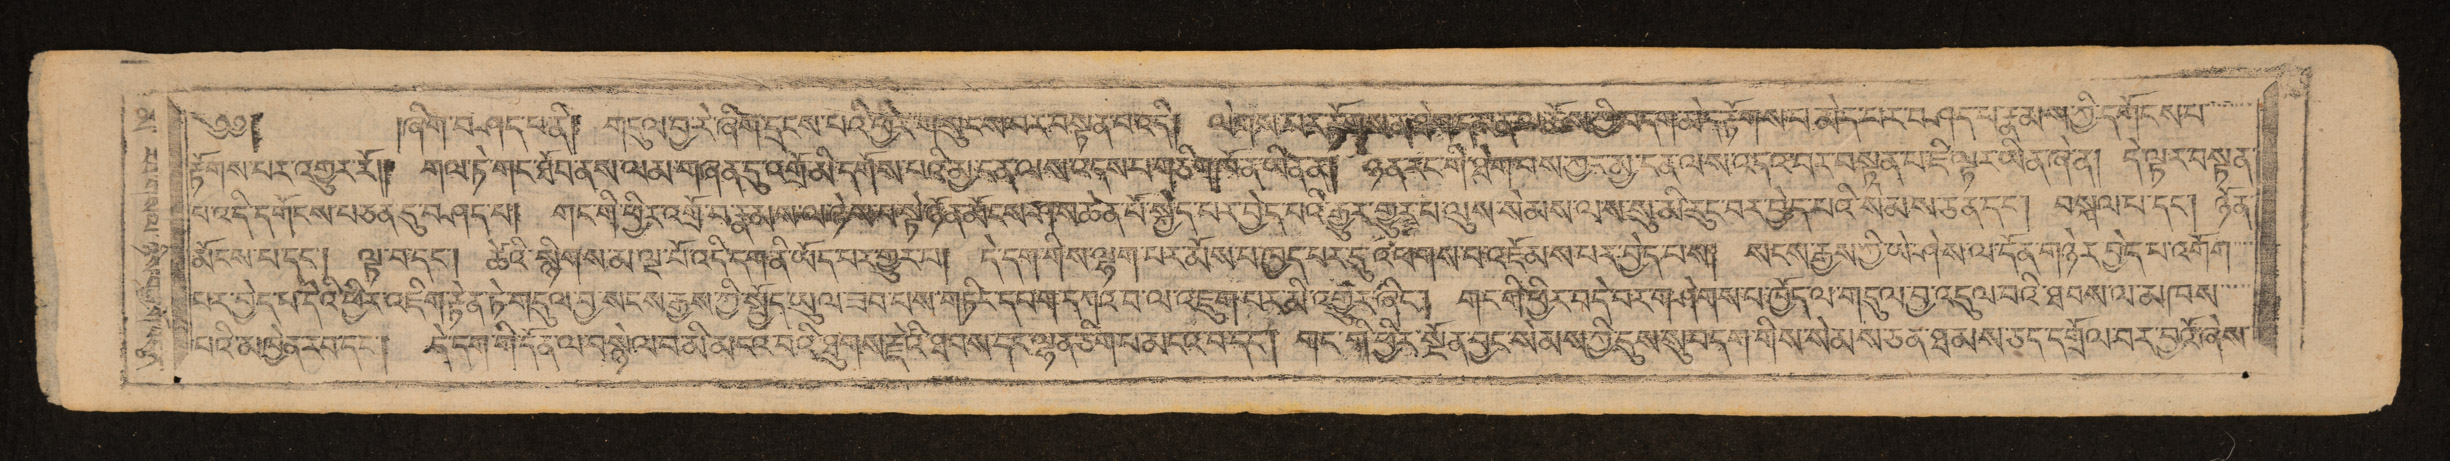༄༅། །ཞིག་བཤད་པ་ནི། གདུལ་བྱ་རེ་ཞིག་དྲངས་པའི་ཕྱིར་གསུངས་པར་བསྟན་པ་འདི། ལེགས་པར་རྟོགས་ན་ཐེག་དམན་ལ་ཆོས་ཀྱི་བདག་མེད་རྟོགས་པ་མེད་པར་བཤད་པ་རྣམས་ཀྱི་དགོངས་པ་
རྟོགས་པར་འགྱུར་རོ།། གལ་ཏེ་གང་ཐོབ་ནས་ལམ་གཞན་དུ་འགྲོ་མི་དགོས་པའི་མྱ་ངན་ལས་འདས་པ་གཅིག་ཁོ་ན་ཡིན་ན། ཉན་རང་གི་ཐེག་པས་ཀྱང་མྱ་ངན་ལས་འདའ་བར་བསྟན་པ་ཇི་ལྟར་ཡིན་ཞེ་ན། དེ་ལྟར་བསྟན་
པ་འདི་དགོངས་པ་ཅན་དུ་བཤད་པ། གང་གི་ཕྱིར་འགྲོ་བ་རྣམས་ལ་ཉེས་པ་སྟེ་ཉོན་མོངས་ཤས་ཆེན་པོ་སྐྱེད་པར་བྱེད་པའི་རྒྱུར་གྱུར་པ་ལུས་སེམས་ལས་སུ་མི་རུང་བར་བྱེད་པའི་སེམས་ཅན་དང་། བསྐལ་པ་དང་། ཉོན་
མོངས་པ་དང་། ལྟ་བ་དང་། ཚེའི་སྙིགས་མ་ལྔ་པོ་འདི་དག་ནི་ཡོད་པར་གྱུར་པ། དེ་དག་གིས་ལྷག་པར་མོས་པ་ཁྱད་པར་དུ་འཕགས་པ་འཇོམས་པར་བྱེད་པས། སངས་རྒྱས་ཀྱི་ཡེ་ཤེས་ལ་དོན་གཉེར་བྱེད་པ་འགོག་
པར་བྱེད་པ་དེའི་ཕྱིར་འཇིག་རྟེན་ཏེ་གདུལ་བྱ་སངས་རྒྱས་ཀྱི་སྤྱོད་ཡུལ་ཟབ་པས་གཏིང་དཔག་དཀའ་བ་ལ་འཇུག་པར་མི་འགྱུར་ཞིང་། གང་གི་ཕྱིར་བདེ་བར་གཤེགས་པ་ཁྱོད་ལ་གདུལ་བྱ་འདུལ་བའི་ཐབས་ལ་མཁས་
པའི་མཁྱེན་རབ་དང་། དེ་དག་གི་དོན་ལ་བསྙེལ་བ་མི་མངའ་བའི་ཐུགས་རྗེའི་ཐབས་དང་ལྷན་ཅིག་པ་མངའ་བ་དང་། གང་གི་ཕྱིར་སྔོན་བྱང་སེམས་ཀྱི་དུས་སུ་བདག་གིས་སེམས་ཅན་ཐམས་ཅད་དགྲོལ་བར་བྱའོ་ཞེས་